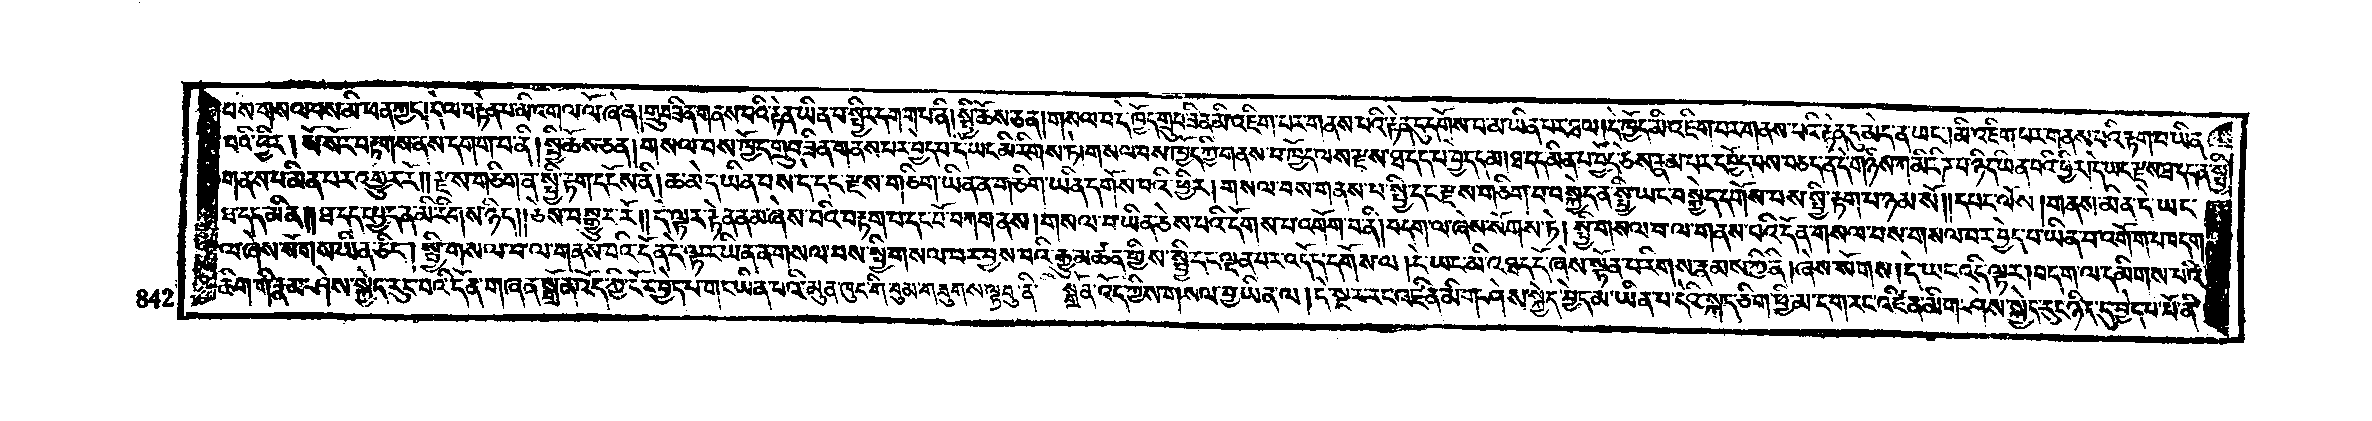པས་གསལ་བས་མི་ཕན་ཀྱང་། དེ་ལ་བརྟེན་པ་མི་འགལ་ལོ་ཞེ་ན། གྲུབ་ཟིན་གནས་པའི་རྟེན་ཡིན་པ་སྤྱིར་དགག་པ་ནི། སྤྱི་ཆོས་ཅན། གསལ་བ་དེ་ཁྱོད་གྲུབ་ཟིན་མི་འཇིག་པར་གནས་པའི་རྟེན་དུ་དགོས་པ་མ་ཡིན་པར་ཐལ། དེ་ཁྱོད་མི་འཇིག་པར་གནས་པའི་རྟེན་དུ་མེད་ན་ཡང་། མི་འཇིག་པར་གནས་པའི་རྟག་པ་ཡིན་
པའི་ཕྱིར། སོ་སོར་བརྟགས་ནས་དགག་པ་ནི། སྤྱི་ཆོས་ཅན། གསལ་བས་ཁྱོད་གྲུབ་ཟིན་གནས་པར་བྱེད་པ་དེ་ཡང་མི་རིགས་ཏེ། གསལ་བས་ཁྱོད་ཀྱི་གནས་པ་ཁྱོད་ལས་རྫས་ཐ་དད་པ་བྱེད་དམ། ཐ་དད་མིན་པ་བྱེད་ཅེས་རྣམ་པར་དཔྱོད་པས་བཅད་ན་དེ་གཉིས་ཀ་མི་རིགས་པ་ཉིད་ཡིན་པའི་ཕྱིར། དེ་ཡང་རྫས་ཐ་དད་ན་སྤྱི་
གནས་པ་མིན་པར་འགྱུར་རོ། །རྫས་གཅིག་ན་སྤྱི་རྟག་དངོས་ནི། ཆ་མེད་ཡིན་པས་དེ་དང་རྫས་གཅིག་ཡིན་ན་གཅིག་ཡིན་དགོས་པའི་ཕྱིར། གསལ་བས་གནས་པ་སྤྱི་དང་རྫས་གཅིག་པ་བསྐྱེད་ན་སྤྱི་ཡང་བསྐྱེད་དགོས་པས་སྤྱི་རྟག་པ་ཉམ་སོ། །དཔང་ལོས། གནས་མིན་དེ་ཡང་
ཐ་དད་མིན། །ཐ་དད་དཔྱད་ན་མི་རིགས་ཉིད། །ཅེས་བསྒྱུར་རོ། །དེ་ལྟར་རྟེན་ནམ་ཞེས་པའི་བརྟག་པ་དང་པོ་བཀག་ནས། གསལ་བ་ཡིན་ཅེས་པའི་དོགས་པ་འགོག་པ་ནི། བདག་ལ་ཞེས་སོགས་ཏེ། སྤྱི་གསལ་བ་ལ་གནས་པའི་དོན་གསལ་བས་གསལ་བར་བྱེད་པ་ཡིན་པ་འགོག་པ་བདག་
ལ་ཞེས་སོགས་ཡིན་ཅིང་། སྤྱི་གསལ་བ་ལ་གནས་པའི་དོན་དེ་ལྟར་ཡིན་ན་གསལ་བས་སྤྱི་གསལ་བར་བྱས་པའི་རྒྱུ་མཚན་གྱིས་སྤྱི་དང་ལྡན་པར་འདོད་དགོས་ལ། དེ་ཡང་མི་འཐད་དོ་ཞེས་སྟོན་པ་རིགས་རྣམས་ཀྱི་ནི། ཞེས་སོགས། དེ་ཡང་འདི་ལྟར། བདག་ལ་དམིགས་པའི་
ཚིག་གི་རྣམ་ཤེས་སྐྱེད་རུང་བའི་དོན་གཞན་སྒྲོན་འོད་ཀྱི་ངོར་བྱེད་པ་གང་ཡིན་པའི་མུན་ཁུང་གི་བུམ་གཟུགས་ལྟ་བུ་ནི་སྒྲོན་འོད་ཀྱིས་གསལ་བྱ་ཡིན་ལ། དེ་སྔར་རང་འཛིན་མིག་ཤེས་སྐྱེད་བྱེད་མ་ཡིན་པ་དེའི་སྐད་ཅིག་ཕྱི་མ་དག་རང་འཛིན་མིག་ཤེས་སྐྱེད་རུང་ཉིད་དུ་བྱེད་པ་པོ་ནི་